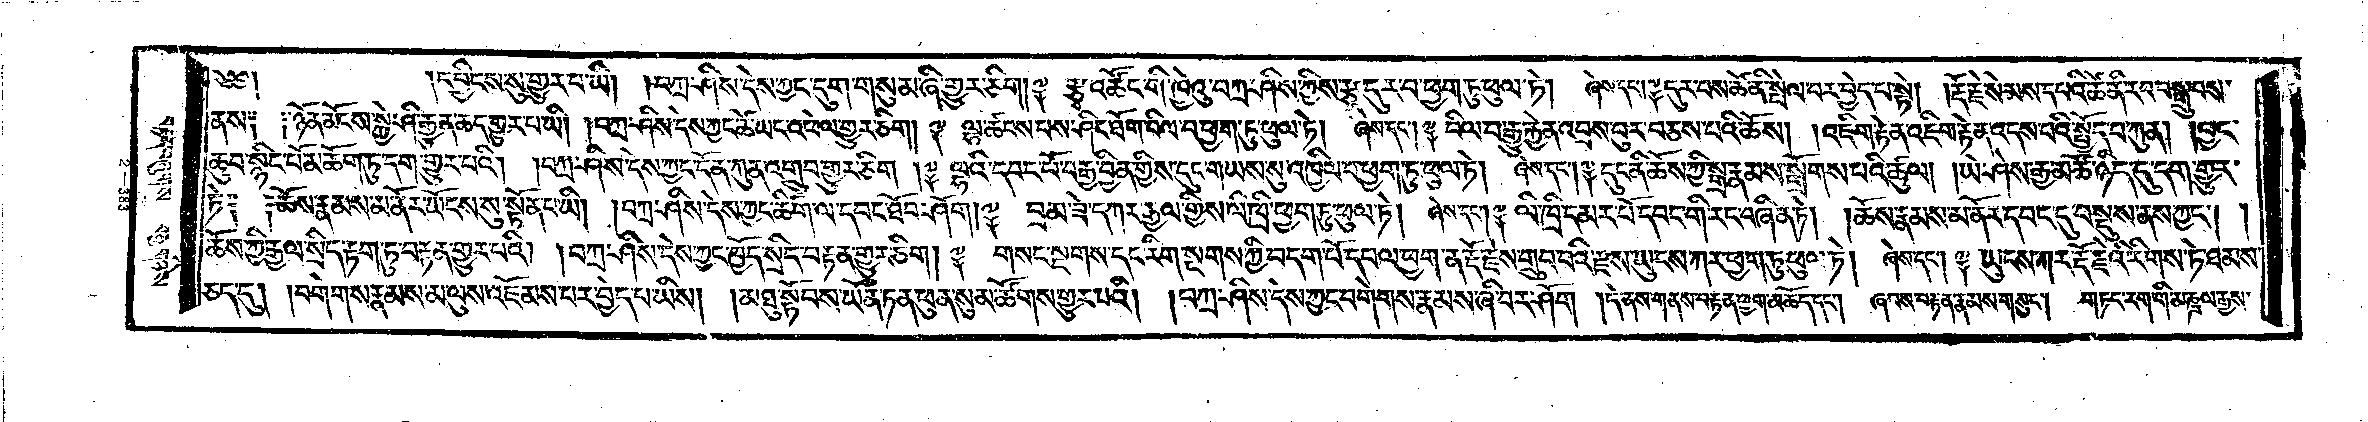༄༅། །དབྱིངས་སུ་གྱུར་པ་ཡི། །བཀྲ་ཤིས་དེས་ཀྱང་དུག་གསུམ་ཞི་གྱུར་ཅིག། ༈ རྩྭ་འཚོང་གི་ཁྱེའུ་བཀྲ་ཤིས་ཀྱིས་རྩ་དུ་རབ་ཕྱག་ཏུ་ཕུལ་ཏེ། ཞེས་དང་། ༈ དུར་པས་ཚེ་ནི་སྤེལ་བར་བྱེད་པ་སྟེ།  །རྡོ་རྗེ་སེམས་དཔའི་ཚེ་ནི་རབ་བསྒྲུབས་
ནས༑ ༑ཉོན་མོངས་སྐྱེ་ཤི་རྒྱུན་ཆད་གྱུར་པ་ཡི། །བཀྲ་ཤིས་དེས་ཀྱང་ཚེ་ཡང་འཕེལ་གྱུར་ཅིག། ༈ ལྷ་ཚབས་པས་ཤིང་ཐོག་བིལ་པ་ཕྱག་ཏུ་ཕུལ་ཏེ། ཞེས་དང་། ༈ བིལ་བ་རྒྱུ་རྐྱེན་འབྲས་བུར་བཅས་པའི་ཆོས། །འཇིག་རྟེན་འཇིག་རྟེན་འདས་པའི་སྤྱོད་བ་ཀུན། །བྱང་
ཆུབ་སྙིང་པོ་མཆོག་ཏུ་དག་གྱུར་པའི། །བཀྲ་ཤིས་དེས་ཀྱང་དོན་ཀུན་འགྲུབ་གྱུར་ཅིག །༈ ལྷའི་དབང་པོ་བརྒྱ་བྱིན་གྱིས་དུང་གཡས་སུ་འཁྱིལ་བ་ཕྱག་ཏུ་ཕུལ་ཏེ། ཞེས་དང་།  ༈ དུང་ནི་ཆོས་ཀྱི་སྒྲ་རྣམས་སྒྲོགས་པའི་ཚུལ། །ཡེ་ཤེས་རྒྱ་མཚོ་ཉིད་དུ་དག་གྱུར་
ཏེ༑ ༑ཆོས་རྣམས་མནོར་ཡོངས་སུ་སྟོན་པ་ཡི། །བཀྲ་ཤིས་དེས་ཀྱང་ཚིག་ལ་དབང་ཐོབ་ཤོག། ༈ བྲམ་ཟེ་དཀར་རྒྱལ་གྱིས་ལི་ཁྲི་ཕྱག་ཏུ་ཕུལ་ཏེ། ཞེས་དང་།  ༈ ལི་ཁྲི་དམར་པོ་དབང་གི་རང་བཞིན་ཏེ། །ཆོས་རྣམས་མ་ནོར་དབང་དུ་བསྡུས་ནས་ཀྱང་། །
ཆོས་ཀྱི་རྒྱལ་སྲིད་རྟག་ཏུ་བརྟན་གྱུར་པའི། །བཀྲ་ཤིས་དེས་ཀྱང་ཁྱོད་སྲིད་བརྟན་གྱུར་ཅིག། ༈ གསང་སྔགས་དང་རིག་སྔགས་ཀྱི་བདག་པོ་དཔལ་ཕྱག་ན་རྡོ་རྗེས་གྲུབ་པའི་རྫས་ཡུངས་ཀར་ཕྱག་ཏུ་ཕུལ་ཏེ། ཞེས་དང་།  ༈ ཡུངས་ཀར་རྡོ་རྗེའི་རིགས་ཏེ་ཐམས་
ཅད་དུ། །བགེགས་རྣམས་མ་ལུས་འཇོམས་པར་བྱེད་པ་ཡིས། །མཐུ་སྟོབས་ཡོན་ཏན་ཕུན་སུམ་ཚོགས་གྱུར་པའི། །བཀྲ་ཤིས་དེས་ཀྱང་བགེགས་རྣམས་ཞི་བར་ཤོག །དེ་ནས་གནས་བརྟན་ཕྱག་མཆོད་དང་། ཞབས་བརྟན་རྣམས་གསུང་། གཏང་རག་གི་མཎྜལ་རྒྱས་